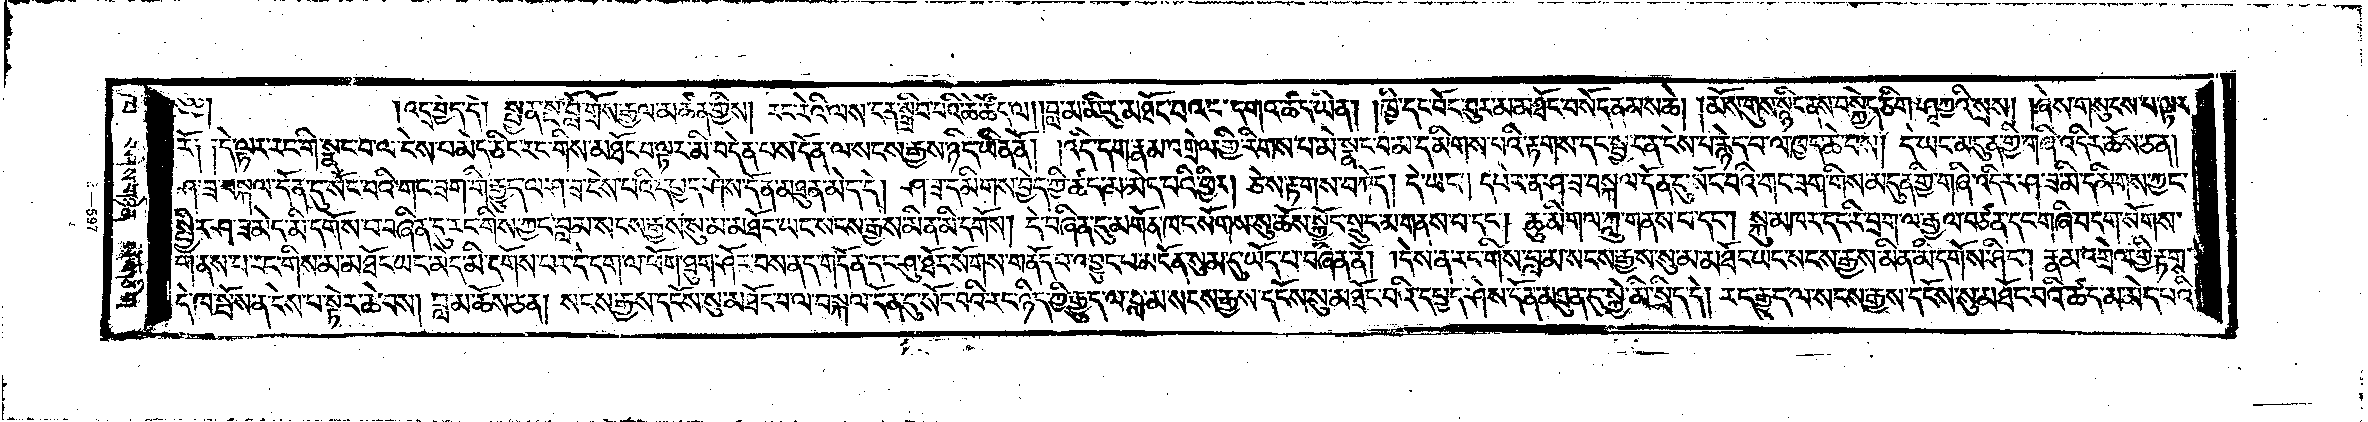༄༅། །འདྲ་བྱེད་དེ། སྤྱན་སྔ་བློ་གྲོས་རྒྱལ་མཚན་གྱིས། རང་རེའི་ལས་ངན་སྒྲིབ་པའི་ཆེ་ཚོད་ལ། །བླ་མ་མི་རུ་མཐོང་བའང་དགའ་ཚད་ཡིན། །ཁྱི་དང་བོང་བུར་མ་མཐོང་བསོད་ནམས་ཆེ། །མོས་གུས་སྙིང་ནས་བསྐྱེད་ཅིག་ཤཱཀྱའི་སྲས། །ཞེས་གསུངས་པ་ལྟར་
རོ༑ ༑དེ་ལྟར་རང་གི་སྣང་བ་ལ་ངེས་པ་མེད་ཅིང་རང་གིས་མཐོང་བ་ལྟར་མི་བདེན་པས་དོན་ལ་སངས་རྒྱས་ཉིད་ཡིན་ནོ། །འདི་དག་རྣམ་འགྲེལ་གྱི་རིགས་པ་མེ་སྣང་བ་མ་དམིགས་པའི་རྟགས་དང་སྦྱར་ན་ངེས་པ་རྙེད་པ་ལ་ཁྱད་ཆེ་བས། དེ་ཡང་མདུན་གྱི་གཞི་འདིར་ཆོས་ཅན།
ཤ་ཟ་བསྐལ་དོན་དུ་སོང་བའི་གང་ཟག་གི་རྒྱུད་ལ་ཤ་ཟ་ངེས་པའི་དཔྱད་ཤེས་དོན་མཐུན་མེད་དེ། ཤ་ཟ་དམིགས་བྱེད་ཀྱི་ཚད་མ་མེད་པའི་ཕྱིར། ཅེས་རྟགས་བཀོད། དེ་ཡང་། དཔེར་ན་ཤ་ཟ་བསྐལ་དོན་དུ་སོང་བའི་གང་ཟག་གིས་མདུན་གྱི་གཞི་འདིར་ཤ་ཟ་མི་དམིགས་ཀྱང་
སྤྱིར་ཤ་ཟ་མེད་མི་དགོས་པ་བཞིན་དུ་རང་གིས་ཀྱང་བླ་མ་སངས་རྒྱས་སུ་མ་མཐོང་ཡང་སངས་རྒྱས་མིན་མི་དགོས། དེ་བཞིན་དུ་མགོན་ཁང་སོགས་སུ་ཆོས་སྐྱོང་སྲུང་མ་གནས་པ་དང་། ཆུ་མིག་ལ་ཀླུ་གནས་པ་དང་། སྐུ་མཁར་དང་རི་བྲག་ལ་རྒྱལ་བཙན་དང་གཞི་བདག་སོགས་
གནས་པ་རང་གིས་མ་མཐོང་ཡང་མེད་མི་དགོས་པར་དེ་དག་ལ་ཕོག་ཐུག་ཤོར་བས་ནད་གདོན་དང་ཤུ་ཐོར་སོགས་གནོད་པ་འབྱུང་པ་མངོན་སུམ་དུ་ཡོད་པ་བཞིན་ནོ། །དེས་ན་རང་གིས་བླ་མ་སངས་རྒྱས་སུ་མ་མཐོང་ཡང་སངས་རྒྱས་མིན་མི་དགོས་ཤིང་། རྣམ་འགྲེལ་གྱི་རྟགས་
དེ་ཁ་སྤོས་ན་ངེས་པ་སྟེར་ཆེ་བས། བླ་མ་ཆོས་ཅན། སངས་རྒྱས་དངོས་སུ་མཐོང་བ་ལ་བསྐལ་དོན་དུ་སོང་བའི་རང་ཉིད་ཀྱི་རྒྱུད་ལ་བླ་མ་སངས་རྒྱས་དངོས་སུ་མཐོང་བའི་དཔྱད་ཤེས་དོན་མཐུན་དུ་སྐྱེ་མི་སྲིད་དེ། རང་རྒྱུད་ལ་སངས་རྒྱས་དངོས་སུ་མཐོང་བའི་ཚད་མ་མེད་པའི་